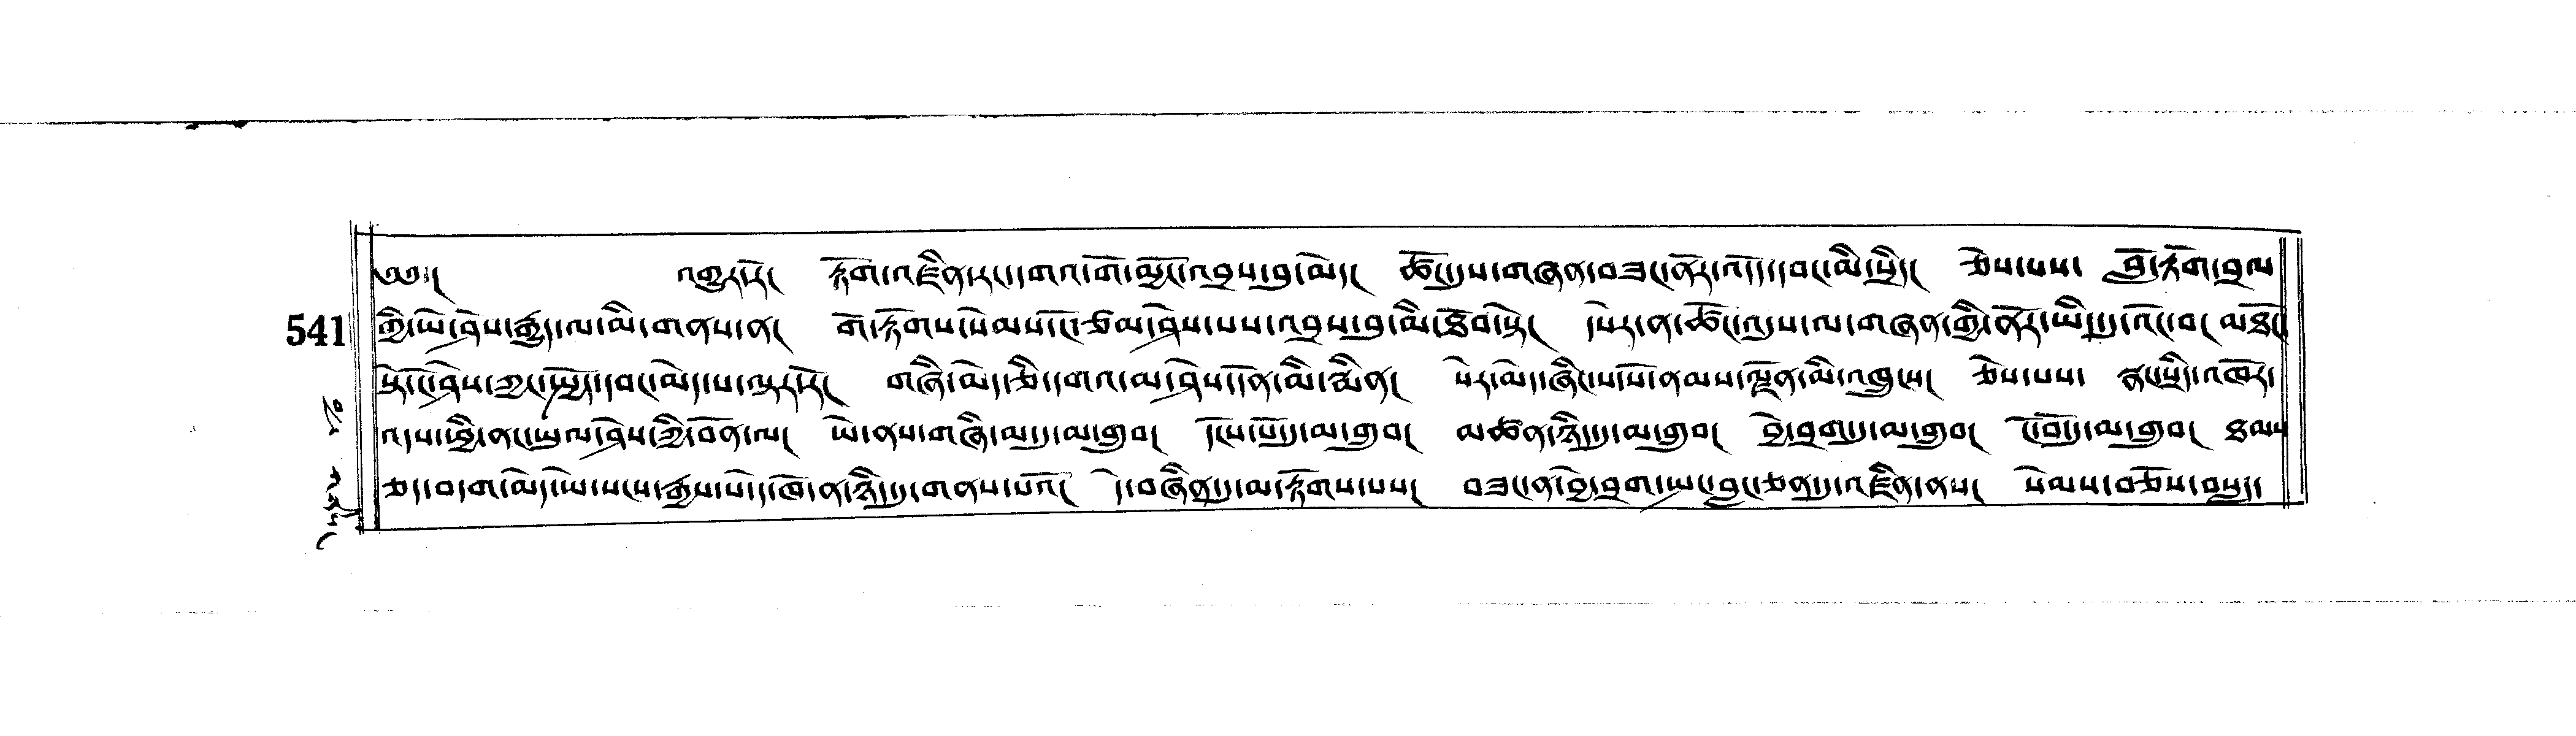འགྱུར་རོ། རྟོག་འཛིན་རང་དགའ་གོ་མྱོང་འབྲས་བུ་མེད། ཚོང་འདུས་གཞན་བཟང་ནོར་འདོད་དབང་མི་སྲིད། ཅེས་པས། བློ་རྟོག་བྲལ་
གྱི་ཡེ་ཤེས་རྒྱུད་ལ་མི་གནས་ན། གོ་རྟོགས་སེམས་ངོ་ཙམ་ཤེས་པས་འབྲས་བུ་མི་འཐོབ་སྟེ། དཔེར་ན་ཚོང་འདུས་ལ་གཞན་གྱི་ནོར་ཡིད་དུ་འོང་བ་མཐོང་
སྟེ། ངོ་ཤེས་ཀྱང་སྤྱོད་དབང་མེད་པ་ལྟར་རོ། གཞི་མེད་ཅི་དགའ་མ་ཤེས་དོན་མི་སྨིན། སེར་མེད་ཞིང་ས་སོ་ནམ་ལྗོན་མི་འཁྲུངས། ཅེས་པས། སྣང་སྲིད་འཁོར་
འདས་ཕྱི་ནང་ཡུལ་ཤེས་ཀྱི་བོན་ལ། ཡེ་ནས་གཞི་མ་དུ་མ་གྲུབ། དངོས་པོ་དུ་མ་གྲུབ། མཚན་ཉིད་དུ་མ་གྲུབ། བྱེ་བྲག་ཏུ་མ་གྲུབ། ངོ་བོ་དུ་མ་གྲུབ། ཐམས་
ཅད་བདག་མེད་ཡེ་སངས་རྒྱས་པ་དེ་ཁོ་ན་ཉིད་དུ་གནས་པའོ། དེ་བཞིན་དུ་མ་རྟོགས་པས། བཟང་ངན་བྱེ་བྲག་སྤང་བླང་ཅན་དུ་འཛིན་ནས། སེམས་བཅོས་སླད་